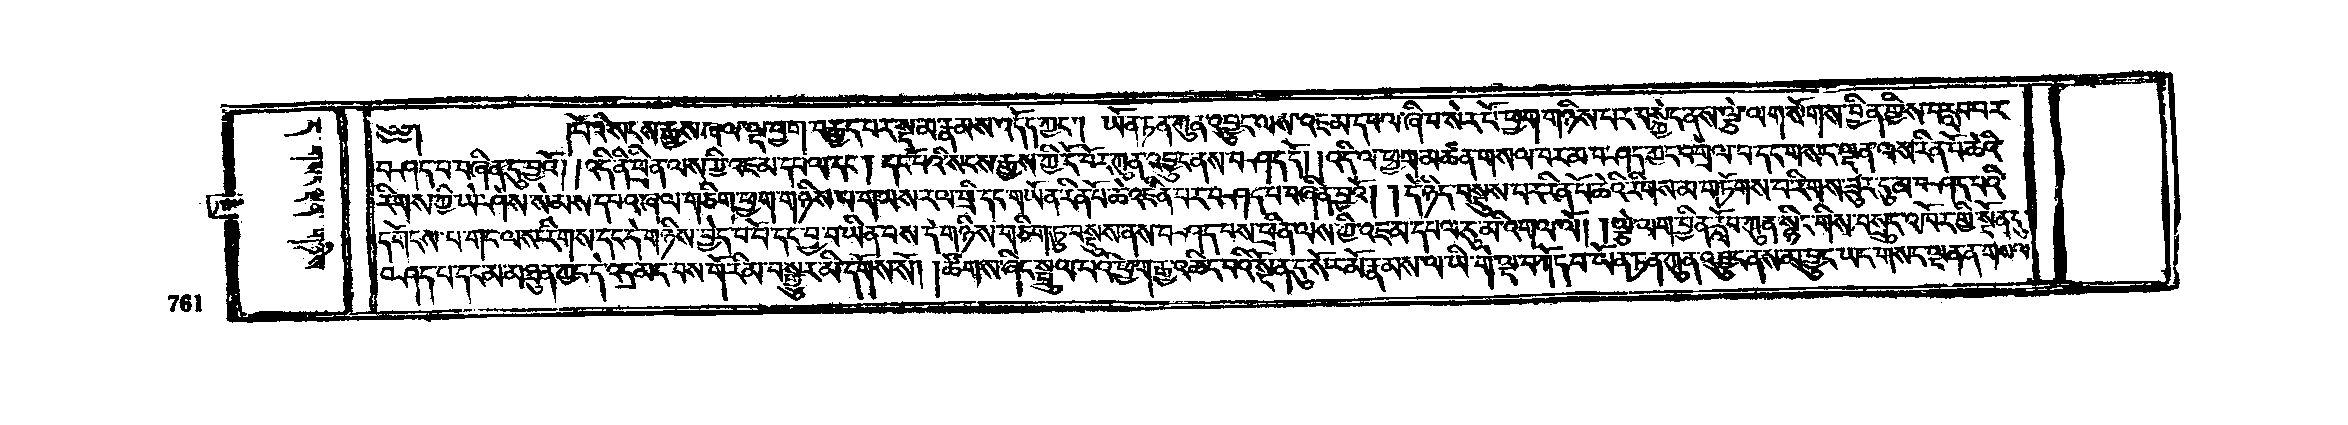༄༅། །པོའི་སངས་རྒྱས་ཞལ་ལྔ་ཕྱག་བརྒྱད་པར་སྔ་མ་རྣམས་འདོད་ཀྱང་། ཡོན་ཏན་ཀུན་འབྱུང་ལས་འཇམ་དཔལ་ཞི་བ་སེར་པོ་ཕྱག་གཉིས་པར་བསྐྱེད་ནས་ལྕེ་ལག་སོགས་བྱིན་གྱིས་བརླབ་པར་
བཤད་པ་བཞིན་དུ་བྱའོ། །འདི་ནི་ཕྲིན་ལས་ཀྱི་འཇམ་དཔལ་དང་། དང་པོའི་སངས་རྒྱས་ཀྱི་ངོ་བོར་ཀུན་འབྱུང་ནས་བཤད་དོ། །འདི་ལ་ཕྱག་མཚན་གསལ་བར་མ་བཤད་ཀྱང་འགྲེལ་བ་དང་གསང་ལྡན་ལས་རིན་པོ་ཆེའི་
རིགས་ཀྱི་ཡེ་ཤེས་སེམས་དཔའ་ཞལ་གཅིག་ཕྱག་གཉིས་པ་གཡས་རལ་གྲི་དང་གཡོན་རིན་པོ་ཆེ་འཛིན་པར་བཤད་པ་བཞིན་བྱའོ། །དེ་ཉིད་བསྡུས་པར་རིན་པོ་ཆེའི་རིགས་མ་གཏོགས་པ་རིགས་ཟུར་དུ་མ་བཤད་པའི་
དགོངས་པ་གང་ལས་རིགས་དང་དེ་གཉིས་བྱེད་པ་པོ་དང་བྱ་བ་ཡིན་པས་དེ་གཉིས་གཅིག་ཏུ་བསྡུས་ནས་བཤད་པས་ཕྲིན་ལས་ཀྱི་འཇམ་དཔལ་དུ་མི་འགལ་ལོ། །ལྕེ་ལག་བྱིན་རློབ་ཀུན་སྙིང་གིས་བསྲུང་འཁོར་གྱི་སྔོན་དུ་
བཤད་པ་དང་མ་མཐུན་ཀྱང་དེ་འདྲ་མང་བས་གོ་རིམ་བསྒྱུར་མི་དགོས་སོ། །ཚོགས་ཞིང་སྤྲུལ་པའི་ཕྱག་རྒྱ་འཆིང་བའི་སྔོན་དུ་སོར་མོ་རྣམས་ལ་ཡི་གེ་ལྔ་བཀོད་པ་ཡོན་ཏན་ཀུན་འབྱུང་ནས་མ་བྱུང་ཡང་གསང་ལྡན་ན་གསལ་